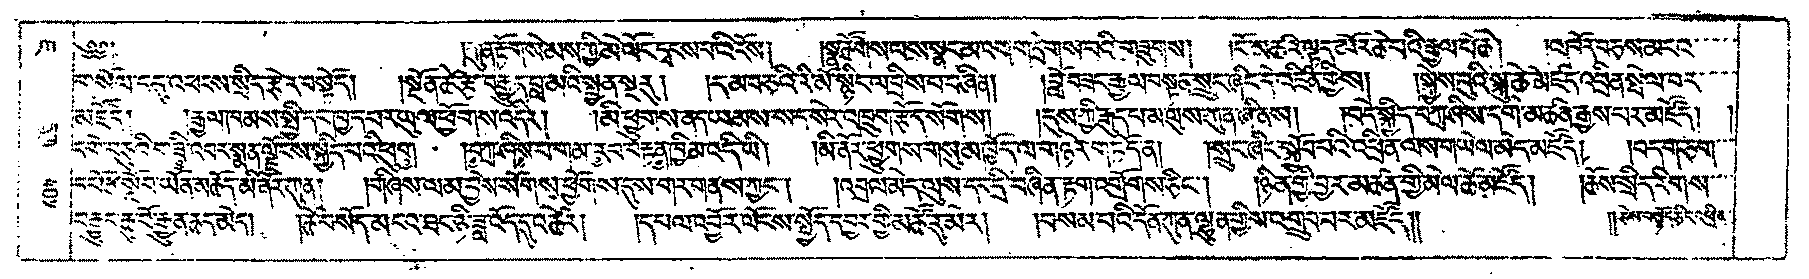༄༅། །ཀུན་རྟོག་སེམས་ཀྱི་མེ་ལོང་དྭངས་པའི་ངོས། །སྣ་ཚོགས་ལས་སྣང་མ་འགག་དྲེགས་པའི་གཟུགས། །ངོ་མཚར་ལྟད་མོར་ཆེ་བའི་རྒྱལ་པོ་ཆེ། །འཁོར་བཅས་མངའ་
གསོལ་དབུ་འཕངས་སྲིད་རྩེར་བསྟོད། །སྔོན་ཚེ་རྩ་བརྒྱུད་བླ་མའི་སྤྱན་སྔ་རུ། །དམ་བཅའི་རི་མོ་སྙིང་ལ་བྲིས་པ་བཞིན། །བློ་བཟང་རྒྱལ་བསྟན་སྲུང་ཞིང་དེ་འཛིན་གྱིས། །སྐྱེས་བུའི་སྐུ་ཚེ་མཛད་འཕྲིན་སྤེལ་བར་
མཛོད། །རྒྱལ་ཁམས་སྤྱི་དང་ཁྱད་པར་ཡུལ་ཕྱོགས་འདིར། །མི་ཕྱུགས་ནད་ཡམས་སད་སེར་འཁྲུག་རྩོད་སོགས། །དུས་ཀྱི་རྒུད་པ་མ་ལུས་ཀུན་ཞི་ནས། །བདེ་སྐྱིད་བཀྲ་ཤིས་དགེ་མཚན་རྒྱས་པར་མཛོད། །
དགེ་བཅུའི་གཟི྾་འབར་སྨན་ལྗོངས་སྐྱིད་པའི་ཕུག྾་།བཀྲ྾་ཤིས྾་པ་གམ་རབ྾་བརྟན྾་ཁྱིམ་འདི་ཡི། །མི་ནོར་ཕྱུགས་གསུམ་ཁྱོད་ལ་གཉེར་གཏོད་ན། །སྲུང་ཞིང་སྐྱོབ་པའི་འཕྲིན་ལས་གཡེལ་མེད་མཛོད། །བདག་ཅག་
དཔོན་སློབ་ཡོན་མཆོད་མི་ནོར་ཀུན། །གཞིས་ལམ་བྱེས་སོགས་ཕྱོགས་དུས་གར་གནས་ཀྱང་། །འབྲལ་མེད་ལུས་དང་དྲི་བཞིན་རྟག་འགྲོགས་ཅིང་། །ཉིན་གྱི་བྱ་ར་མཚན་གྱི་མེལ་ཚེ་མཛོད། །ཆོས་སྲིད་རིགས་
བརྒྱུད་ཆུ་བོ་རྒྱུན་ཆད་མེད། །ཆེ་བསོད་མངའ་ཐང་ཉི་ཟླ་འོད་དུ་འཚེར། །དཔལ་འབྱོར་ལོངས་སྤྱོད་དབྱར་གྱི་མཚོ་རུ་མེར། །བསམ་པའི་དོན་ཀུན་ལྷུན་གྱིས་འགྲུབ་པར་མཛོད།། །།ཅེས་བསྟོད་ཅིང་འཕྲིན་